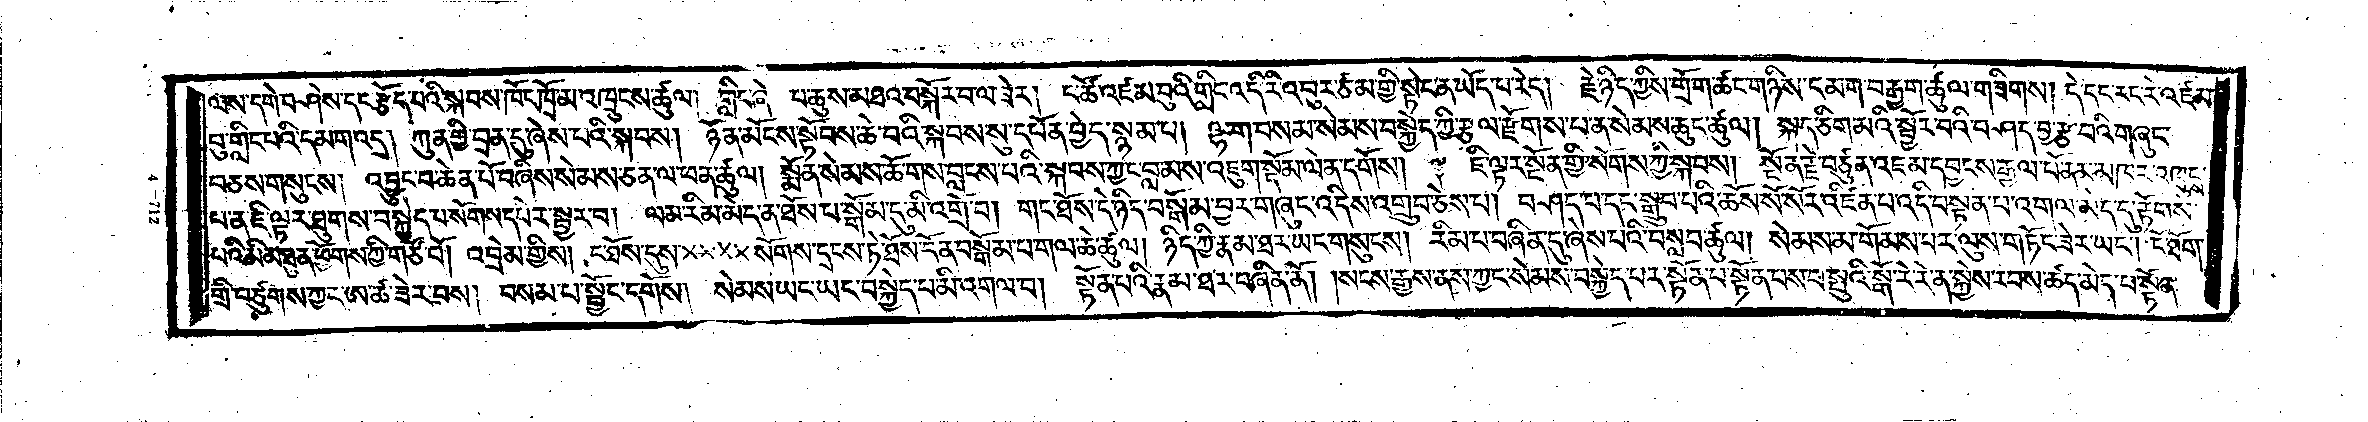ལས་དགེ་བཤེས་དང་རྩོད་པའི་སྐབས་ཁོང་ཁྲོ་མ་འཁྲུངས་ཚུལ། གླིང་ཞེས་པ་ཆུས་མཐའ་བསྐོར་བ་ལ་ཟེར། ང་ཚོ་འཇམ་བུའི་གླིང་འདི་རི་འབུར་ཙམ་གྱི་སྟེང་ན་ཡོད་པ་རེད། རྗེ་ཉིད་ཀྱིས་གྲོག་ཚང་གཉིས་དམག་བརྒྱག་ཚུལ་གཟིགས། དེ་དང་རང་རེ་འཛམ་
བུ་གླིང་པའི་དམག་འདྲ། ཀུན་གྱི་བྲན་དུ་ཞེས་པའི་སྐབས། ཉོན་མོངས་སྟོབས་ཆེ་བའི་སྐབས་སུ་དཔོན་བྱེད་སྙམ་པ། ལྷག་བསམ་སེམས་བསྐྱེད་ཀྱི་རྩལ་རྫོགས་པ་ན་སེམས་ཆུང་ཚུལ། སྐད་ཅིག་མའི་སྦྱོར་བའི་བཤད་བྱ་རྩ་བའི་གཞུང་
བཅས་གསུངས། འབྱུང་བ་ཆེན་པོ་བཞིས་སེམས་ཅན་ལ་ཕན་ཚུལ། སྨོན་སེམས་ཆོ་གས་བླངས་པའི་སྐབས་ཀྱང་བླ་མས་འཇུག་སྡོམ་ལེན་དགོས། ༈ ཇི་ལྟར་སྔོན་གྱི་སོགས་ཀྱི་སྐབས། སྔོན་རྗེ་བཙུན་འཇམ་དབྱངས་རྒྱལ་པོ་ནམ་མཁར་འཁྲུངས་
པ་ན་ཇི་ལྟར་ཐུགས་བསྐྱེད་པ་སོགས་དཔེར་སྦྱར་བ། ལམ་རིམ་མེད་ན་ཐོས་པ་སྒོམ་དུ་མི་འགྲོ་བ། གང་ཐོས་དེ་ཉིད་བསྒོམ་བྱར་གཞུང་འདིས་འགྲུབ་ཅེས་པ། བཤད་པ་དང་སྒྲུབ་པའི་ཆོས་སོ་སོར་འཛིན་པ་འདི་བསྟན་པ་འགལ་མེད་དུ་རྟོགས་
པའི་མི་མཐུན་ཕྱོགས་ཀྱི་གཙོ་བོ། འབྲེམ་གྱིས། ང་ཐོས་དུས་྾་྾་྾་྾་སོགས་དྲངས་ཏེ་ཐོས་དོན་བསྒོམ་པ་གལ་ཆེ་ཚུལ། ཉིད་ཀྱི་རྣམ་ཐར་ཡང་གསུངས། རིམ་པ་བཞིན་དུ་ཞེས་པའི་བསླབ་ཚུལ། སེམས་མ་གོམས་པར་ལུས་གཏོང་ཟེར་ཡང་། ངོ་ཐོག་
གྲི་བཙུགས་ཀྱང་ཨ་ཚ་ཟེར་བས། བསམ་པ་སྦྱོང་དགོས། སེམས་ཡང་ཡང་བསྐྱེད་པ་མི་འགལ་བ། སྟོན་པའི་རྣམ་ཐར་བཞིན་ནོ། །སངས་རྒྱས་ནས་ཀྱང་སེམས་བསྐྱེད་པར་སྟོན་པ་སྟོན་པས་ཕ་སྤུའི་སྒོ་རེ་རེ་ན་སྐྱེས་རབས་ཚད་མེད་པ་སྟོན་